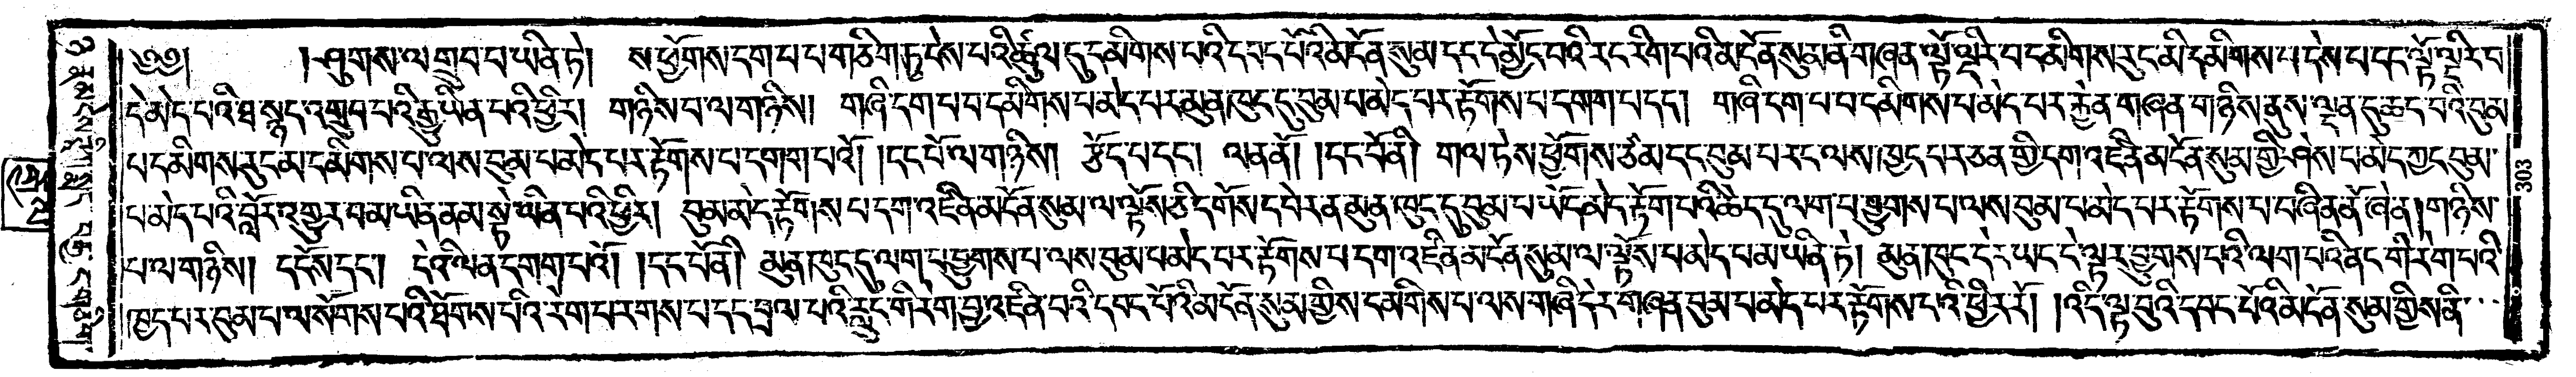༄༅། །ཤུགས་ལ་གྲུབ་པ་ཡིན་ཏེ། ས་ཕྱོགས་དག་པ་གཅིག་ཏུ་ངེས་པའི་ཚུལ་དུ་དམིགས་པའི་དབང་པོའི་མངོན་སུམ་དང་དེ་མྱོང་བའི་རང་རིག་པའི་མངོན་སུམ་ནི་གཞན་ལྟོ་ལྡིར་བ་དམིགས་རུང་མི་དམིགས་པ་དེས་པ་དང་ལྟོ་ལྡིར་བ་
དེ་མེད་པའི་ཐ་སྙད་འགྲུབ་པའི་རྒྱུ་ཡིན་པའི་ཕྱིར། གཉིས་པ་ལ་གཉིས། གཞི་དག་པ་བ་དམིགས་པ་མེད་པར་མུན་ཁུང་བུམ་པ་མེད་པར་རྟོགས་པ་དགག་པ་དང་། གཞི་དག་པ་བ་དམིགས་པ་མེད་པར་རྐྱེན་གཞན་གཉིས་ནུས་ལྡན་དུ་ཆད་བའི་བུམ་
པ་དམིགས་རུང་མ་དམིགས་པ་ལས་བུམ་པ་མེད་པར་རྟོགས་པ་དགག་པའོ། །དང་པོ་ལ་གཉིས། རྩོད་པ་དང་། ལན་ནོ། །དང་བོ་ནི། གལ་ཏེ་ས་ཕྱོགས་ཙམ་དང་བུམ་པ་རང་ལས་ཁྱད་པར་ཅན་གྱི་དག་འཛིན་མངོན་སུམ་གྱི་ཤེས་པ་མེད་ཀྱང་བུམ་
པ་མེད་པའི་བློར་འགྱུར་བ་མིན་ནམ་སྟེ་ཡིན་པའི་ཕྱིར། བུམ་མེད་རྟོགས་པ་དག་འཛིན་མངོན་སུམ་ལ་ལྟོས་ཅི་དགོས་དཔེར་ན་མུན་ཁུང་དུ་བུམ་པ་ཡོད་མེད་རྟོག་པའི་ཆེད་དུ་ལག་པ་བྱུགས་པ་ལས་བུམ་པ་མེད་པར་རྟོགས་པ་བཞིན་ནོ་ཞེ་ན། གཉིས་
པ་ལ་གཉིས། དངོས་དང་། དེའི་ལན་དགག་པའོ། །དང་པོ་ནི། མུན་ཁུང་དུ་ལག་པ་བྱུགས་པ་ལས་བུམ་པ་མེད་པར་རྟོགས་པ་དག་འཛིན་མངོན་སུམ་ལ་ལྟོས་པ་མེད་པ་མ་ཡིན་ཏེ། མུན་ཁུང་དེར་ཡང་དེ་ལྟར་བྱུགས་པའི་ལག་པའི་ནང་གི་རེག་པའི་
ཁྱད་པར་བུམ་པ་ལ་སོགས་པའི་ཐོགས་པའི་རེག་པར་རགས་པ་དང་བྲལ་པའི་རླུང་གི་རེག་བྱ་འཛིན་པའི་དབང་པོའོ་མངོན་སུམ་གྱིས་དམིགས་པ་ལས་གཞི་དེར་གཞན་བུམ་པ་མེད་པར་རྟོགས་པའི་ཕྱིར་རོ། །འདི་ལྟ་བུའི་དབང་པོའི་མངོན་སུམ་གྱིས་ནི་